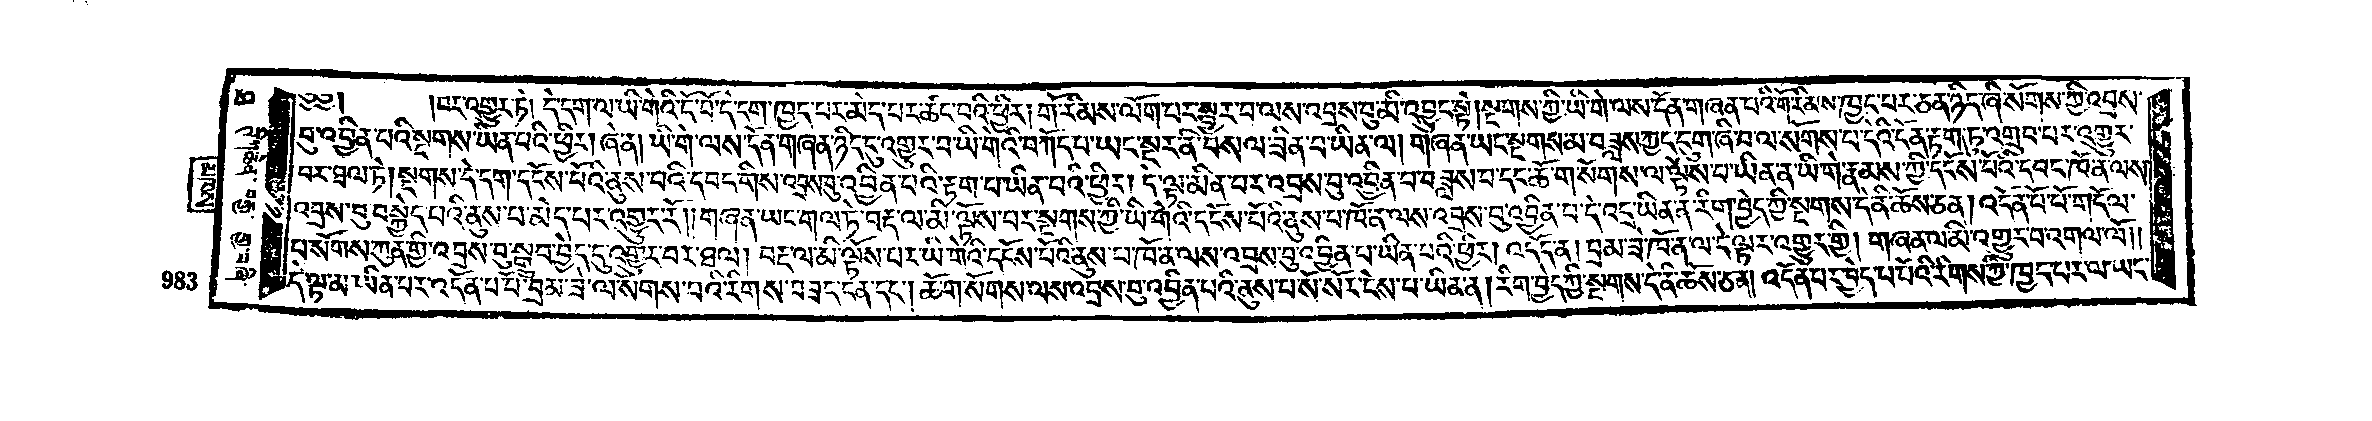༄༅། །བར་འགྱུར་ཏེ། དེ་དག་ལ་ཡི་གེའི་ངོ་བོ་དེ་དག་ཁྱད་པར་མེད་པར་ཚང་བའི་ཕྱིར། གོ་རིམས་ལོག་པར་སྦྱར་བ་ལས་འབྲས་བུ་མི་འབྱུང་སྟེ། སྔགས་ཀྱི་ཡི་གེ་ལས་དོན་གཞན་པའི་གོ་རིམས་ཁྱད་པར་ཅན་ཉིད་ཞི་སོགས་ཀྱི་འབྲས་
བུ་འབྱིན་པའི་སྔགས་ཡིན་པའི་ཕྱིར། ཞེ་ན། ཡི་གེ་ལས་དོན་གཞན་ཉིད་དུ་འགྱུར་བ་ཡི་གེའི་བཀོད་པ་ཡང་སྔར་ནི་བསལ་ཟིན་པ་ཡིན་ལ། གཞན་ཡང་སྔགས་མ་བཟླས་ཀྱང་དུག་ཞི་བ་ལ་སོགས་པ་དེའི་དོན་རྟག་ཏུ་འགྲུབ་པར་འགྱུར་
བར་ཐལ་ཏེ། སྔགས་དེ་དག་དངོས་པོའི་ནུས་པའི་དབང་གིས་འབྲས་བུ་འབྱིན་པའི་རྟག་པ་ཡིན་པའི་ཕྱིར། དེ་ལྟ་མིན་པར་འབྲས་བུ་འབྱིན་པ་བཟླས་པ་དང་ཆོ་ག་སོགས་ལ་ལྟོས་པ་ཡིན་ན་ཡི་གེ་རྣམས་ཀྱི་དངོས་པོའི་དབང་ཁོ་ན་ལས་
འབྲས་བུ་བསྐྱེད་པའི་ནུས་པ་མེད་པར་འགྱུར་རོ། །གཞན་ཡང་གལ་ཏེ་བརྡ་ལ་མི་ལྟོས་བར་སྔགས་ཀྱི་ཡི་གེའི་དངོས་པོའི་ནུས་པ་ཁོ་ན་ལས་འབྲས་བུ་འབྱིན་པ་དེ་འདྲ་ཡིན་ན་རིག་བྱེད་ཀྱི་སྔགས་དེ་ནི་ཆོས་ཅན། འདོན་པོ་པོ་གདོལ་
པ་སོགས་ཀུན་གྱི་འབྲས་བུ་སྒྲུབ་བྱེད་དུ་འགྱུར་བར་ཐལ། བརྡ་ལ་མི་ལྟོས་པར་ཡི་གེའི་དངོས་པོའི་ནུས་པ་ཁོ་ན་ལས་འབྲས་བུ་འབྱིན་པ་ཡིན་པའི་ཕྱིར། འདོད་ན། བྲམ་ཟེ་ཁོ་ན་ལ་དེ་ལྟར་འགྱུར་གྱི། གཞན་ལ་མི་འགྱུར་བ་འགལ་ལོ། །
དེ་ལྟ་མ་ཡིན་པར་འདོན་པ་པོ་བྲམ་ཟེ་ལ་སོགས་པའི་རིགས་བཟང་ངན་དང་། ཆོ་ག་སོགས་ལས་འབྲས་བུ་འབྱིན་པའི་ནུས་པ་སོ་སོར་ངེས་པ་ཡིན་ན། རིག་བྱེད་ཀྱི་སྔགས་དེ་ནི་ཆོས་ཅན། འདོན་པར་བྱེད་པ་པོའི་རིགས་ཀྱི་ཁྱད་པར་ལ་ཡང་